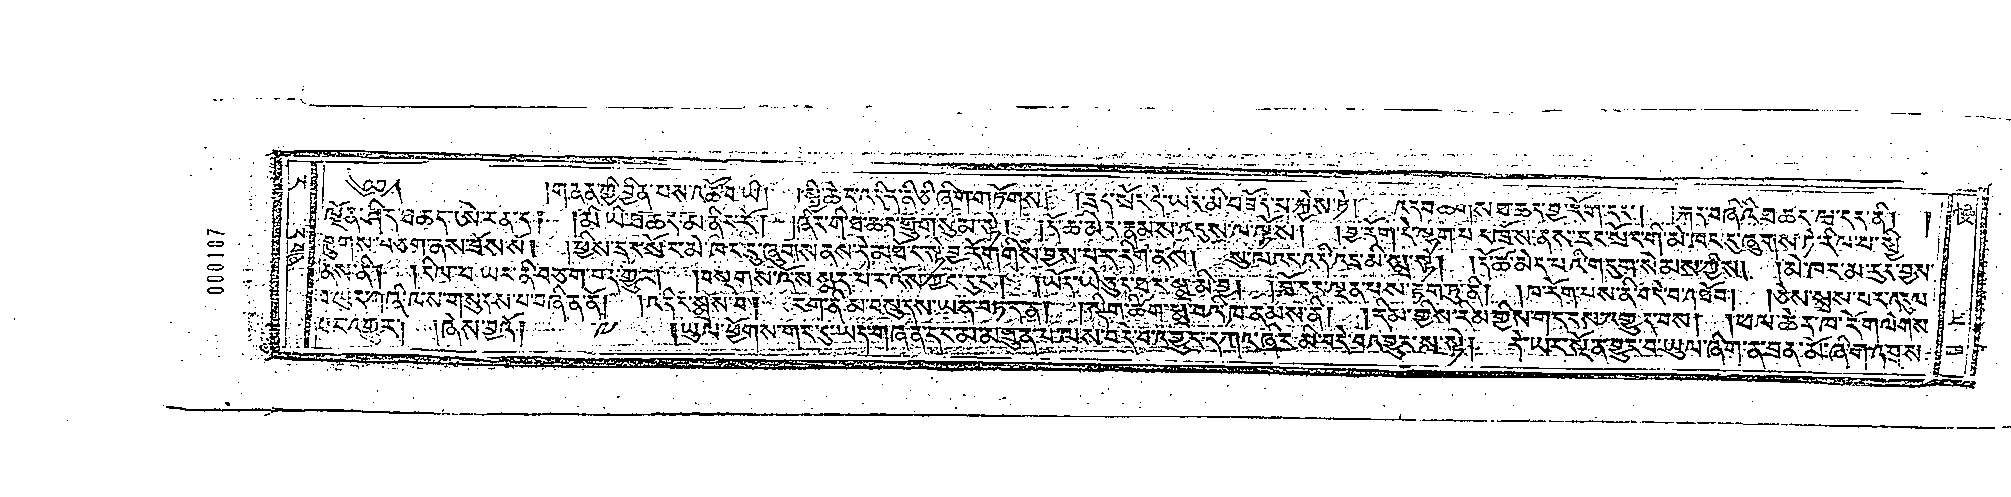༄༅། །གནན་གྱི་བྱིན་པས་འཚོ་བ་ཡི། །སྤྱི་ཆེར་འདིར་ནི་ཅི་ཞིག་གཏོགས། །དྲང་སྲོང་དེ་ཡང་མི་བཟོད་པ་སྐྱེས་ཏེ། འདབ་ཆགས་ཐ་ཆད་བྱ་རོག་དང་། །རྐང་བཞིའི་ཐ་ཆད་ཝ་དང་ནི། །
ལྗོན་ཤིང་ཐ་ཆད་ཨེ་རན་ད། །མི་ཡི་ཐ་ཆང་མ་ནིང་རོ། །ཞིང་གི་ཐ་ཆད་གྲུ་གསུམ་སྟེ། །དོ་ཚ་མེད་རྣམས་འདུས་ལ་ལྟོས། །བྱ་རོག་དེ་ལྷག་པར་ཁྲོས་ནས་དྲང་སྲོང་གི་མེ་ཁང་དུ་ཞུགས་ཏེ་རིལ་པ་སྤྱི་
བླུགས་བཅག་ནས་བྲོས་སོ། །ཕྱིས་དྲང་སྲོང་མེ་ཁང་དུ་ཞུགས་ནས་དེ་མཐོང་སྟེ་བྱ་རོག་གིས་བྱས་པར་རིག་ནས། སུ་ལའང་འདི་འདྲ་མི་སྨྲ་སྟེ། །དོ་ཚ་མེད་པའི་གདུག་སེམས་ཀྱིས། །མེ་ཁང་མ་རུང་བྱས་
ནས་ནི། །རིལ་པ་ཡང་ནི་བཅག་པར་གྱུར། །བསྔགས་འོས་སྨད་པར་འོས་ཀྱང་རུང་། །ཡོད་ཡེ་ཅུང་ཐར་སྨྲ་མི་བྱ། །བློ་དང་ལྡན་པས་རྟག་ཏུ་ནི། །ཁ་དོག་པས་ནི་བདེ་བ་འཐོབ། །ཅེས་སྨྲས་པར་འདུལ་
བ་ལུང་གཞི་ལས་གསུངས་པ་བཞིན་ནོ། །འདིར་སྨྲས་བ། ངག་ནི་མ་བསྲུངས་ཡན་བཏད་ན། །སྡིག་ཚིག་སྨྲ་བའི་ཁ་རྣམས་ནི། །རིམ་གྱིས་རིམ་གྱིས་གདངས་འགྱུར་བས། །ཕལ་ཆེར་ཁ་དོག་ལེགས་
པར་འགྱུར། །ཞེས་བྱའོ། ༧་།ཡུལ་ཕྱོགས་གང་དུ་ཡད་གཞན་དང་མ་མཐུན་པ་ལས་བདེ་བ་འབྱུང་དཀའ་ཞིང་མི་བདེ་བ་འབྱུང་སླ་སྟེ། དེ་ཡང་སྔོན་བྱུང་བ་ཡུལ་ཞིག་ན་བྲན་མོ་ཞིག་འབྲས་